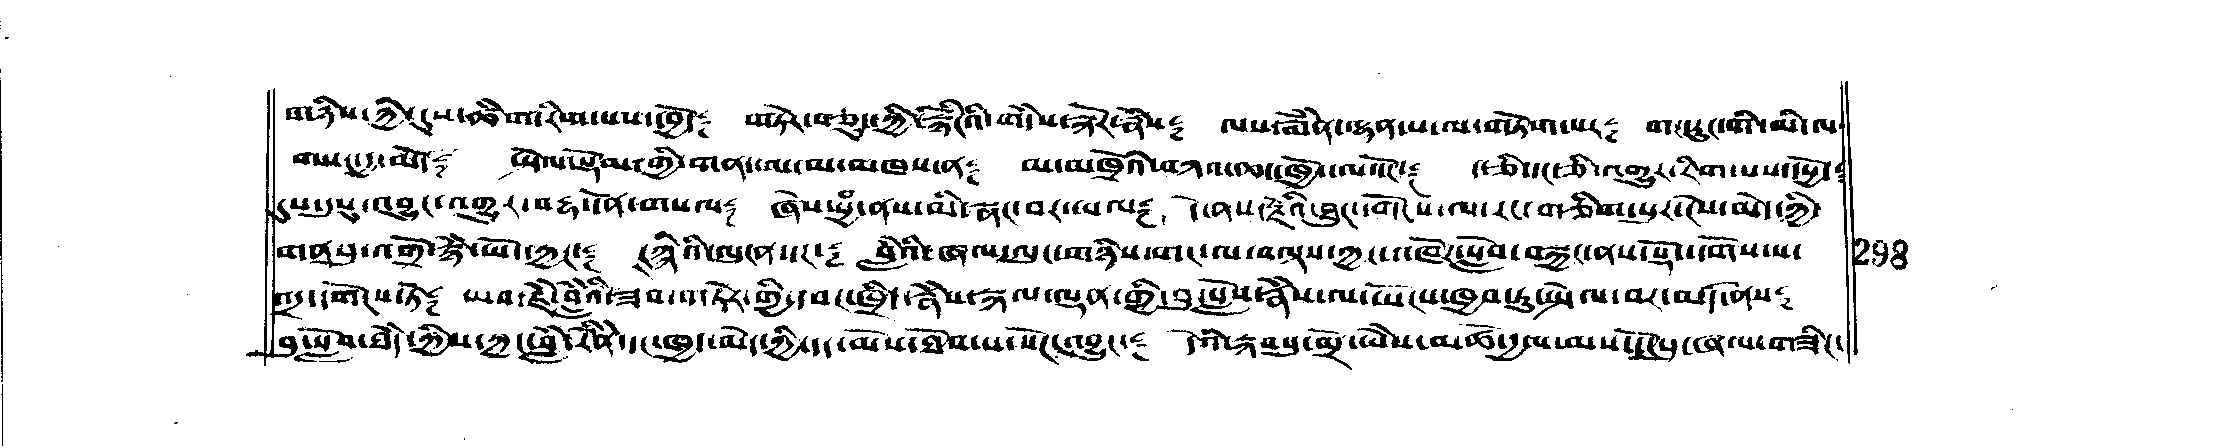གཉིས་ཀྱི་དུས་ཚིགས་རིགས་པས་དཔྱོད། །གཏེར་བཅུད་ཀྱི་སྙིང་པོའི་གདམས་སྐོར་རྣམས། །ལས་སྨོན་ལམ་ལྡན་པ་མ་གཏོགས་པར། །གང་རུང་གི་མི་ལ་
གསང་རྒྱ་མཛོད། །སྤེལ་སྡོམ་གྱི་གནད་ལ་མ་མཁས་ན། །མ་མཁའ་འགྲོའི་བཀའ་ཆད་ཁྱོད་ལ་འོང་། །ད་ཅི་དང་ཅི་འགྱུར་རིགས་པས་དཔྱོད། །
དུས་དུས་སུ་འབྱུང་འགྱུར་བརྡ་དོན་གསལ། །ཞེས་གསུང་ནས་མི་སྣང་བར་ཡལ། དེ་ནས་རྗེའི་ཐུགས་དགོངས་ལ་རང་གཅིག་པུར་ངེས་མེད་ཀྱི་
གནས་སུ་འགྲོ་སྙམ་ཡོད་ཀྱང་། ཌཱཀྐིའི་ལུང་བསྟན་དང་། བླ་མའི་ཞལ་ལུང་གཉིས་གང་ལ་བལྟས་ཀྱང་འཁོར་སློབ་བསྐྱང་ནས་སྡོད་དགོས་པ་
འདྲ་དགོངས་ཏེ། ཡབ་རྗེ་བླ་མའི་ཟབ་གཏེར་གྱི་དབང་ཁྲིད་རྣམས་སྐལ་ལྡན་གྱི་བུ་སློབ་རྣམས་ལ་ཡོངས་ཁྱབ་ཏུ་སྤེལ་བར་མཛད་ནས། 
བུ་སློབ་ཐམས་ཅད་ཀྱང་བླ་མ་རིན་པོ་ཆེ་དང་ཁྱད་མེད་ཀྱི་དད་མོས་ཐོབ་པ་སོགས་བྱུང་། དེའི་སྐབས་སུ་མཁའ་འགྲོ་ཡེ་ཤེས་མཚོ་རྒྱལ་མས་དངོས་སུ་ཞལ་གཟིགས་